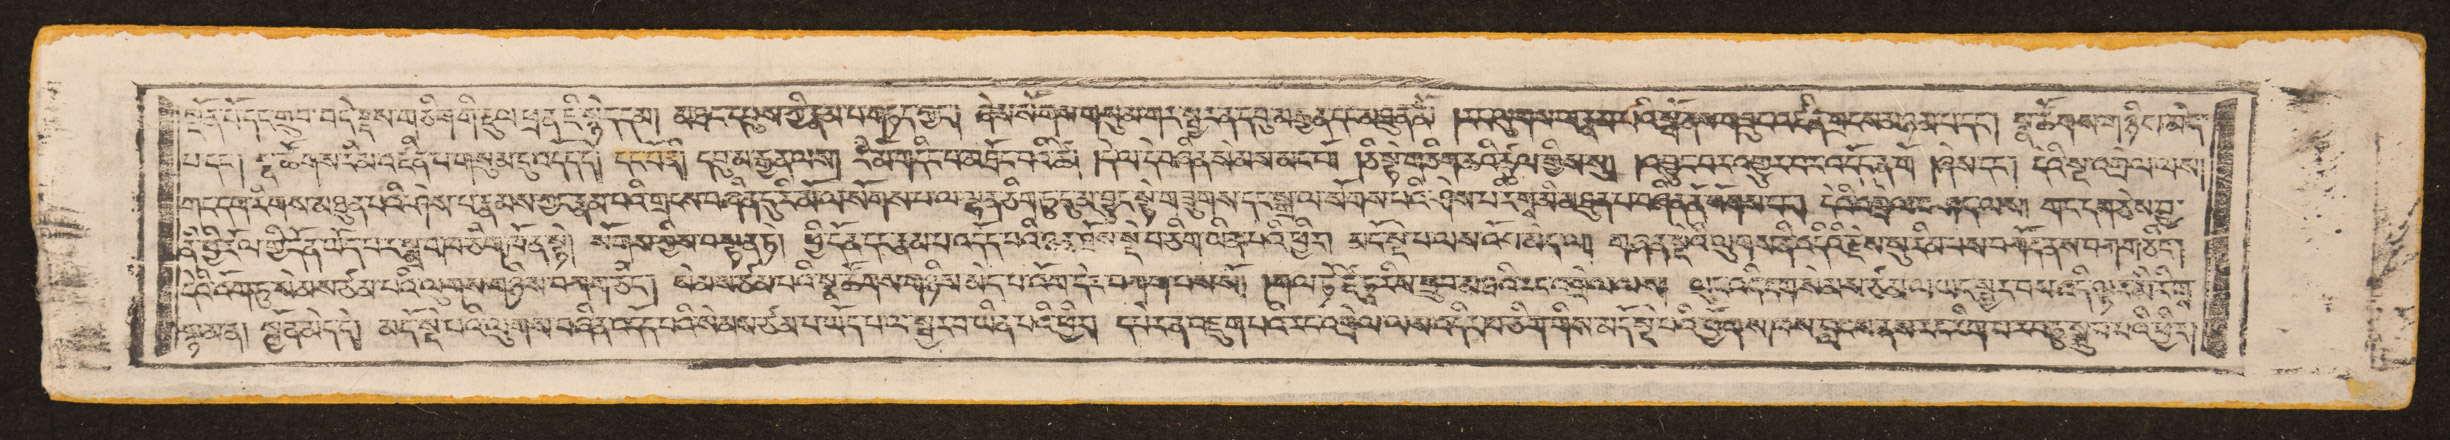སྔོན་པོ་དང་གྲུབ་བདེ་རྫས་གཅིག་གི་རྡུལ་ཕྲན་ཇི་སྙེད་དམ། མཐང་དབུས་ཀྱི་རྣམ་པ་གཏང་ཀྱང་། ཞེས་སོགས་གསུམ་གར་སྦྱར་ན་དབུ་མ་རྒྱན་དང་མཐུན་ནོ། །རང་ལུགས་ལ་རྣམ་པའི་སྒོ་ནས་གཟུང་འཛིན་གྲངས་མཉམ་པ་དང་། སྣ་ཚོགས་གཉིས་མེད་
པ་དང་། སྣ་ཚོགས་རིམ་འཛིན་པ་གསུམ་དུ་འདོད་དེ། དང་པོ་ནི། དབུ་མ་རྒྱ་ན་ལས། རི་མོ་གདིང་པ་མཐོང་བའི་ཚེ། །དེ་ལ་དེ་བཞིན་སེམས་མང་པོ། །ཅི་སྟེ་གཅིག་ཆའི་ཚུལ་གྱིས་སུ། །འབྱུང་བར་འགྱུར་བར་འདོད་ན་གོ །ཞེས་དང་། དེའི་སྔ་འགྲེལ་ལས།
གང་དག་རིགས་མཐུན་པའི་ཤེས་པ་རྣམས་ཀྱང་རྣམ་པའི་གྲངས་བཞིན་དུ་རི་མོ་ལ་སོགས་པ་ལ་ལྷན་ཅིག་ཏུ་དུ་མ་བྱུང་སྟེ་གཟུགས་དང་སྒྲ་ལ་སོགས་པའི་ཤེས་པ་རིགས་མི་མཐུན་པ་བཞིན་ནོ་སོགས་དང་། དེའི་འགྲེལ་བཤད་ལས། གང་དག་ཅེས་བྱ་
ནི་ཕྱི་རོལ་གྱི་དོན་ཡོད་པར་སྨྲ་བ་ཁ་ཅིག་ཁོ་ན་སྟེ། སོགས་ཀྱིས་བསྟན་ཏེ། ཕྱི་དོན་དང་རྣམ་པ་འདོད་པའི་ཉན་ཐོས་སྡེ་བ་ཅིག་ཡིན་པའི་ཕྱིར། མདོ་སྡེ་བ་ལས་འོས་མེད་ལ། གཞན་སྡེའི་ལུགས་ནི་འདིའི་རྗེས་སུ་རིམ་པས་བཀོད་ནས་བཀག་ཅིང་།
དེའི་འོག་ཏུ་སེམས་ཙམ་པའི་ལུགས་གཉིས་བཀག་ཅིང་། སེམས་ཙམ་པའི་སྣ་ཚོགས་གཉིས་མེད་པ་འོག་དེར་བཀག་པས་སོ། །གལ་ཏེ་ཛེ་ཀཱ་རིས་གྲུབ་མཐའི་རང་འགྲེལ་ལས། ལུང་འདི་དག་སེམས་ཙམ་ལ་ཡང་སྦྱར་བས་འདི་ལྟར་མི་རིགས་
སྙམ་ན། སྐྱོན་མེད་དེ། མདོ་སྡེ་བའི་ལུགས་བཞིན་འདོད་པའི་སེམས་ཙམ་པ་ཡོད་པ་ལ་སྦྱར་བ་ཡིན་པའི་ཕྱིར། དཔེར་ན་འཇུག་པའི་རང་འགྲེལ་ལས་འདིར་ཁ་ཅིག་གིས་མདོ་སྡེ་པའི་ཕྱོགས་ཁས་བླངས་ནས་རང་རིག་པ་རབ་ཏུ་སྒྲུབ་པའི་ཕྱིར།